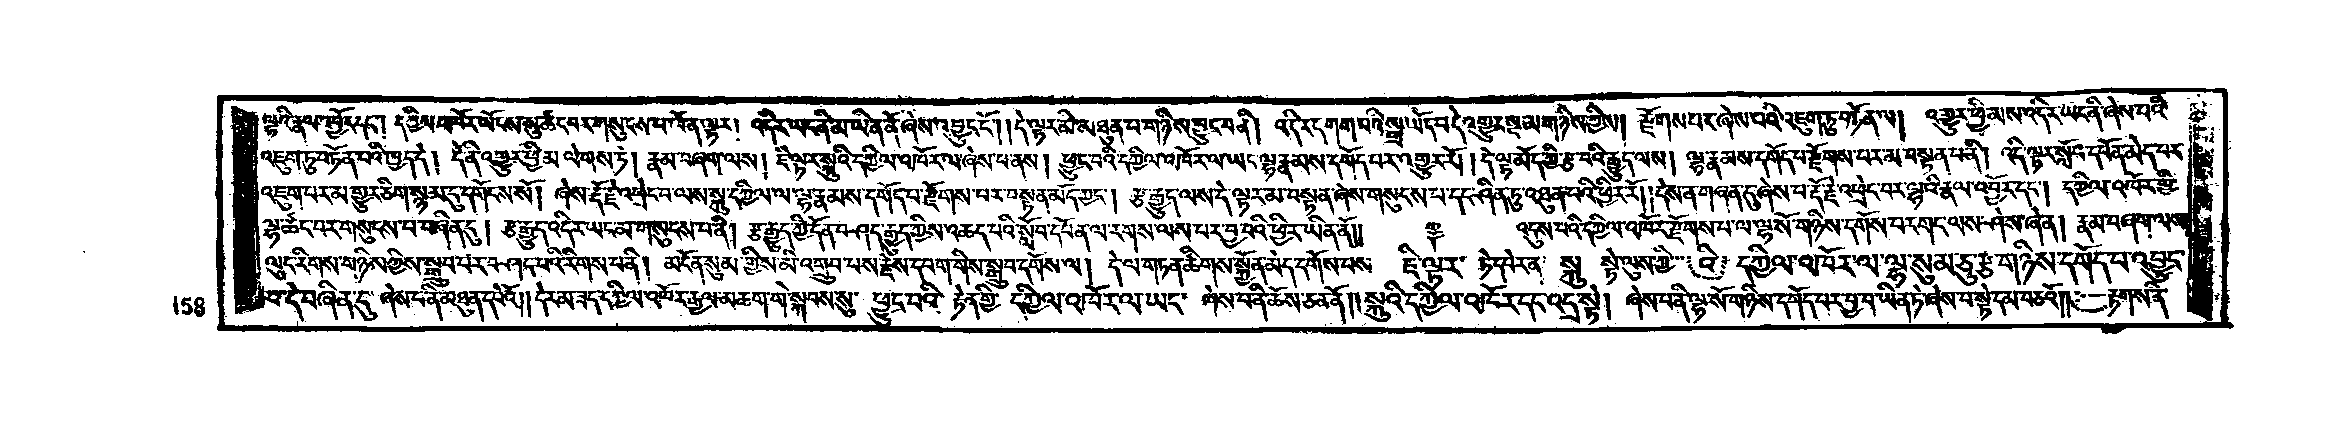ལྷའི་རྣལ་འབྱོར་དང་། དཀྱིལ་འཁོར་ཡོངས་སུ་ཚང་བར་གསུངས་པ་ཁོ་ན་ལྟར། འདིར་ཡང་ནི་མ་ཡིན་ནོ་ཞེས་འབྱུང་ངོ། །དེ་ལྟར་མི་མཐུན་པ་གཉིས་བྱུང་བ་ནི། འདིར་དགག་པའི་སྒྲ་ཡོད་པ་དེ་འགྱུར་སྔ་མ་གཉིས་ཀྱིས། རྫོགས་པར་ཞེས་པའི་འཇུག་ཏུ་བཏོན་ལ། འགྱུར་ཕྱི་མས་འདིར་ཡང་ནི་ཞེས་པའི་
འཇུག་ཏུ་བཏོན་པའི་ཁྱད་དེ། དེ་ནི་འགྱུར་ཕྱི་མ་ལེགས་ཏེ། རྣམ་བཞག་ལས། ཇི་ལྟར་སྐུའི་དཀྱིལ་འཁོར་ལ་ཞེས་པ་ནས། ཕྱུང་བའི་དཀྱིལ་འཁོར་ལ་ཡང་ལྷ་རྣམས་དགོད་པར་འགྱུར་རོ། །དེ་ལྟ་མོད་ཀྱི་རྩ་བའི་རྒྱུད་ལས། ལྷ་རྣམས་དགོད་པ་རྫོགས་པར་མ་བསྟན་པ་ནི། འདི་ལྟར་སློབ་དཔོན་མེད་པར་
འཇུག་པར་མ་གྱུར་ཅིག་སྙམ་དུ་དགོངས་སོ། ཞེས་རྡོ་རྗེ་འཕྲེང་བ་ལས་སྐུ་དཀྱིལ་ལ་ལྷ་རྣམས་དགོད་པ་རྫོགས་པར་བསྟན་མོད་ཀྱང་། རྩ་རྒྱུད་ལས་དེ་ལྟར་མ་བསྟན་ཞེས་གསུངས་པ་དང་ཤིན་ཏུ་འཐུན་པའི་ཕྱིར་རོ། །དེས་ན་གཞན་དུ་ཞེས་པ་རྡོ་རྗེ་འཕྲེང་བར་ལྷའི་རྣལ་འབྱོར་དང་། དཀྱིལ་འཁོར་གྱི་
ལྷ་ཚང་བར་གསུངས་པ་བཞིན་དུ། རྩ་རྒྱུད་འདིར་ཡང་མ་གསུངས་པ་ནི། རྩ་རྒྱུད་ཀྱི་དོན་བཤད་རྒྱུད་ཀྱིས་འཆད་པའི་སློབ་དཔོན་ལ་རགས་ལས་པར་བྱ་བའི་ཕྱིར་ཡིན་ནོ།། ༈ འདུས་པའི་དཀྱིལ་འཁོར་རྫོགས་པ་ལ་ལྷ་སོ་གཉིས་དགོས་པར་གང་ལས་ཤེས་ཞེ་ན། རྣམ་བཞག་ལས་
ལུང་རིགས་གཉིས་ཀྱིས་སྒྲུབ་པར་བཤད་པའི་རིགས་པ་ནི། མངོན་སུམ་གྱིས་མི་འགྲུབ་པས་རྗེས་དཔག་གིས་སྒྲུབ་དགོས་ལ། དེ་ལ་གཏན་ཚིགས་སྐྱོན་མེད་དགོས་པས་ཇི་ལྟར་ཏེ་དཔེར་ན་སྐུ་སྟེ་ལུས་ཀྱི་འི་དཀྱིལ་འཁོར་ལ་ལྷ་སུམ་ཅུ་རྩ་གཉིས་དགོད་པ་འབྱུང་
བ་དེ་བཞིན་དུ་ཞེས་པ་ནི་མཐུན་དཔེའོ། །དེར་མ་ཟད་དཀྱིལ་འཁོར་རྒྱལ་མཆག་གི་སྐབས་སུ་ཕྱུང་བའི་རྟེན་གྱི་དཀྱིལྰྑོར་ལ་ཡང་ཞེས་པ་ནི་ཆོས་ཅན་ནོ། །སྐུའི་དཀྱིལ་འཁོར་དང་འདྲ་སྟེ། ཞེས་པ་ནི་ལྷ་སོ་གཉིས་དགོད་པར་བྱ་བ་ཡིན་ཏེ་ཞེས་པ་སྟེ་དམ་བཅའོ།།H.་རྟགས་ནི་